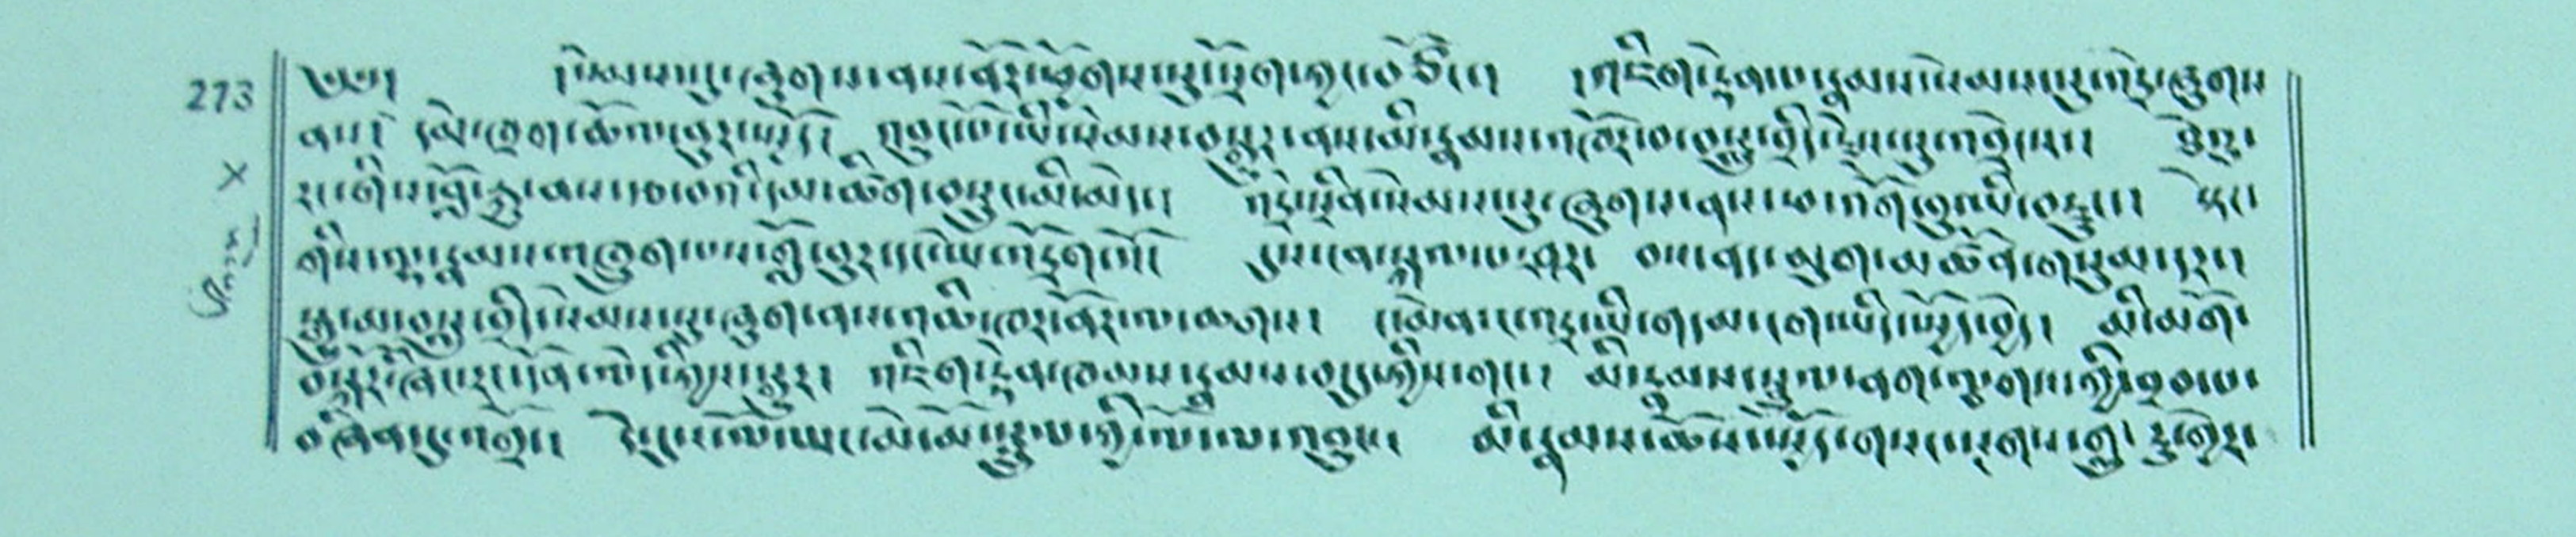༄༅། །སེམས་སུ་ཞུགས་ནས་ནོར་ཕྱོགས་སུ་སྲོག་ཀྱང་བཙོང་། འཇིག་རྟེན་པ་རྣམས་ཀྱི་སེམས་སུ་འདྲེ་ཞུགས་
ནས། དམེ་ཁྲག་འཆོལ་བུར་སྤྱོད། འབྱུང་པོ་ཡི་སེམས་བསྒྱུར་ནས་མི་རྣམས་འཁོར་བ་བསླུ་བྲིད་རྗེས་སུ་འབྲེངས། ཐེའུ་
རང་གིས་བློ་རྐུ་ནས་རྩ་བའི་དམ་ཚིག་བསྲུངས་མི་མེད། འདྲེ་སྲིན་སེམས་སུ་ཞུགས་ནས་ཕ་མགོ་བུ་ཡིས་བརྡུང་། སྟེང་
གི་ལྷ་རྣམས་འཁྲུགས་པས་གློ་བུར་དང་ཡེ་འདྲོག་འོ། དུས་ངན་བསྐལ་ངན་ཤར་བས་ནད་མུག་མཚོན་གསུམ་དར། 
སྒྱུ་མ་བསླུ་བྲིད་སེམས་སུ་ཞུགས་ནས་འཆི་ཁར་ནོར་ལ་ཆགས། ང་མིན་ང་འདྲའི་གདམས་ངག་ཡིད་སྤྱོད་བྱེད། མི་མགོ་
བསྐོར་ཞིང་རང་དོན་ལེད་ཀྱིས་སྒྱུར། འཇིག་རྟེན་ཁམས་རྣམས་བདུད་ཀྱིས་གང་། མི་རྣམས་སྦྲུལ་ནག་ལྕགས་ཀྱིས་བྲབ་པ་
བཞིན་དུ་འགྲོ། དེ་དུས་ལོ་ཡང་མེ་མོ་སྦྲུལ་གྱི་ལོ་ལ་འབྱུང་། མི་རྣམས་ཆོས་སྤྱོད་གསང་སྔགས་གླུ་རུ་གྱེར།